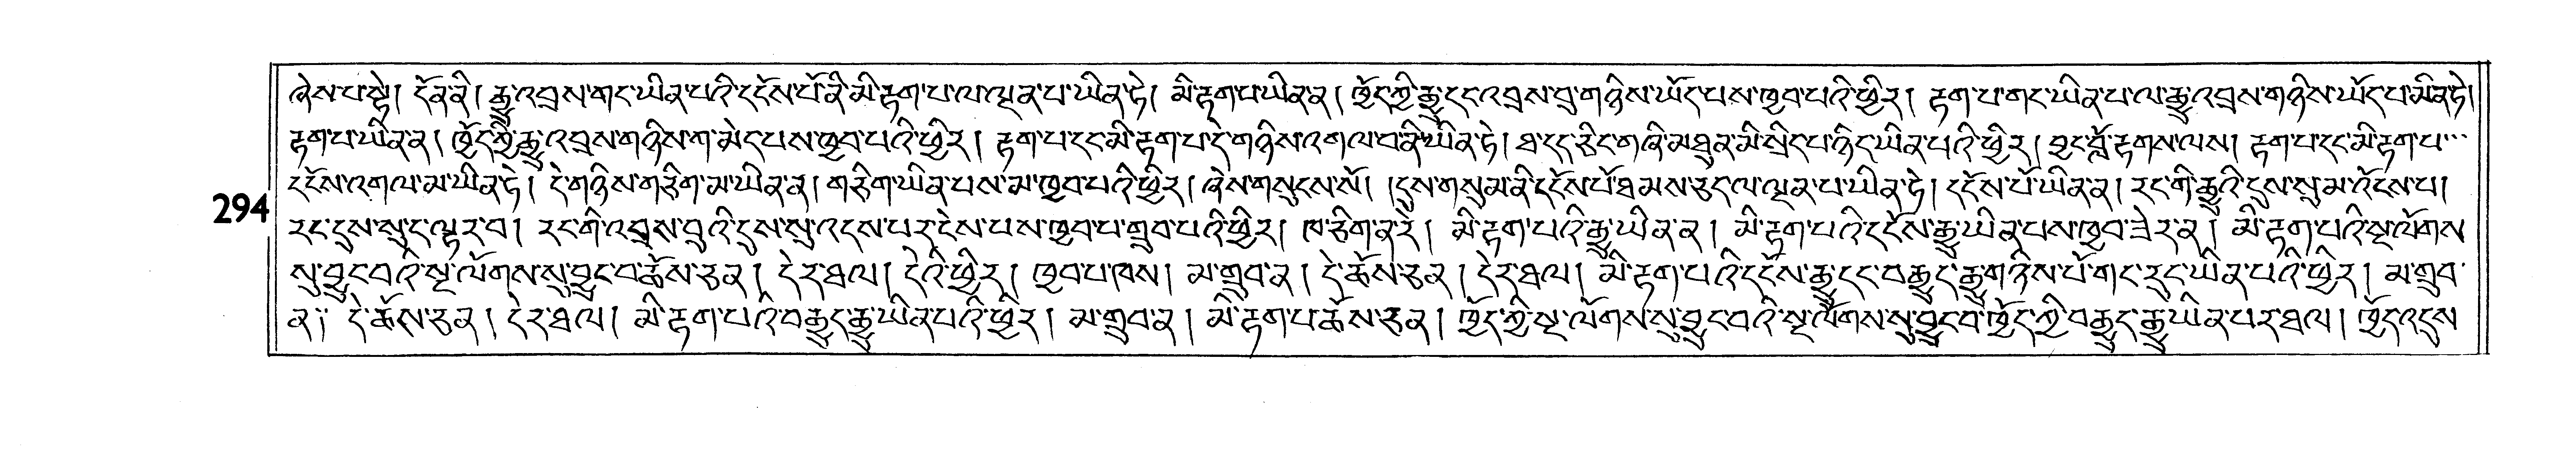ཞེས་པ་སྟེ། དོན་ནི། རྒྱུ་འབྲས་གང་ཡིན་པའི་དངོས་པོ་ནི་མི་རྟག་པ་ལ་ལྡན་པ་ཡིན་ཏེ། མི་རྟག་པ་ཡིན་ན། ཁྱོད་ཀྱི་རྒྱུ་དང་འབྲས་བུ་གཉིས་ཡོད་པས་ཁྱབ་པའི་ཕྱིར། རྟག་པ་གང་ཡིན་པ་ལ་རྒྱུ་འབྲས་གཉིས་ཡོད་པ་མིན་ཏེ།
རྟག་པ་ཡིན་ན། ཁྱོད་ཀྱི་རྒྱུ་འབྲས་གཉིས་ཀ་མེད་པས་ཁྱབ་པའི་ཕྱིར། རྟག་པ་དང་མི་རྟག་པ་དེ་གཉིས་འགལ་བ་ནི་ཡིན་ཏེ། ཐ་དད་ཅིང་གཞི་མཐུན་མི་སྲིད་པ་ཉིད་ཡིན་པའི་ཕྱིར། བྱང་བློ་རྟགས་ལ། རྟག་པ་དང་མི་རྟག་པ་
དངོས་འགལ་མ་ཡིན་ཏེ། དེ་གཉིས་གཅིག་མ་ཡིན་ན། གཅིག་ཡིན་པས་མ་ཁྱབ་པའི་ཕྱིར། ཞེས་གསུངས་སོ། །དུས་གསུམ་ནི་དངོས་པོ་ཐམས་ཅད་ལ་ལྡན་པ་ཡིན་ཏེ། དངོས་པོ་ཡིན་ན། རང་གི་རྒྱུའི་དུས་སུ་མ་འོངས་པ།
རང་དུས་སུ་ད་ལྟར་བ། རང་གི་འབྲས་བུའི་དུས་སུ་འདས་པར་ངེས་པས་ཁྱབ་པ་གྲུབ་པའི་ཕྱིར། ཁ་ཅིག་ན་རེ། མི་རྟག་པའི་རྒྱུ་ཡིན་ན། མི་རྟག་པའི་དངོས་རྒྱུ་ཡིན་པས་ཁྱབ་ཟེར་ན། མི་རྟག་པའི་སྔ་ལོགས་
སུ་བྱུང་བའི་སྔ་ལོགས་སུ་བྱུང་བ་ཆོས་ཅན། དེར་ཐལ། དེའི་ཕྱིར། ཁྱབ་པ་ཁས། མ་གྲུབ་ན། དེ་ཆོས་ཅན། དེར་ཐལ། མི་རྟག་པའི་དངོས་རྒྱུ་དང་བརྒྱུད་རྒྱུ་གཉིས་པོ་གང་རུང་ཡིན་པའི་ཕྱིར། མ་གྲུབ་
ན༑ དེ་ཆོས་ཅན། དེར་ཐལ། མི་རྟག་པའི་བརྒྱུད་རྒྱུ་ཡིན་པའི་ཕྱིར། མ་གྲུབ་ན། མི་རྟག་པ་ཆོས་ཅན། ཁྱོད་ཀྱི་སྔ་ལོགས་སུ་བྱུང་བའི་སྔ་ལོགས་སུ་བྱུང་བ་ཁྱོད་ཀྱི་བརྒྱུད་རྒྱུ་ཡིན་པར་ཐལ། ཁྱོད་འདུས་